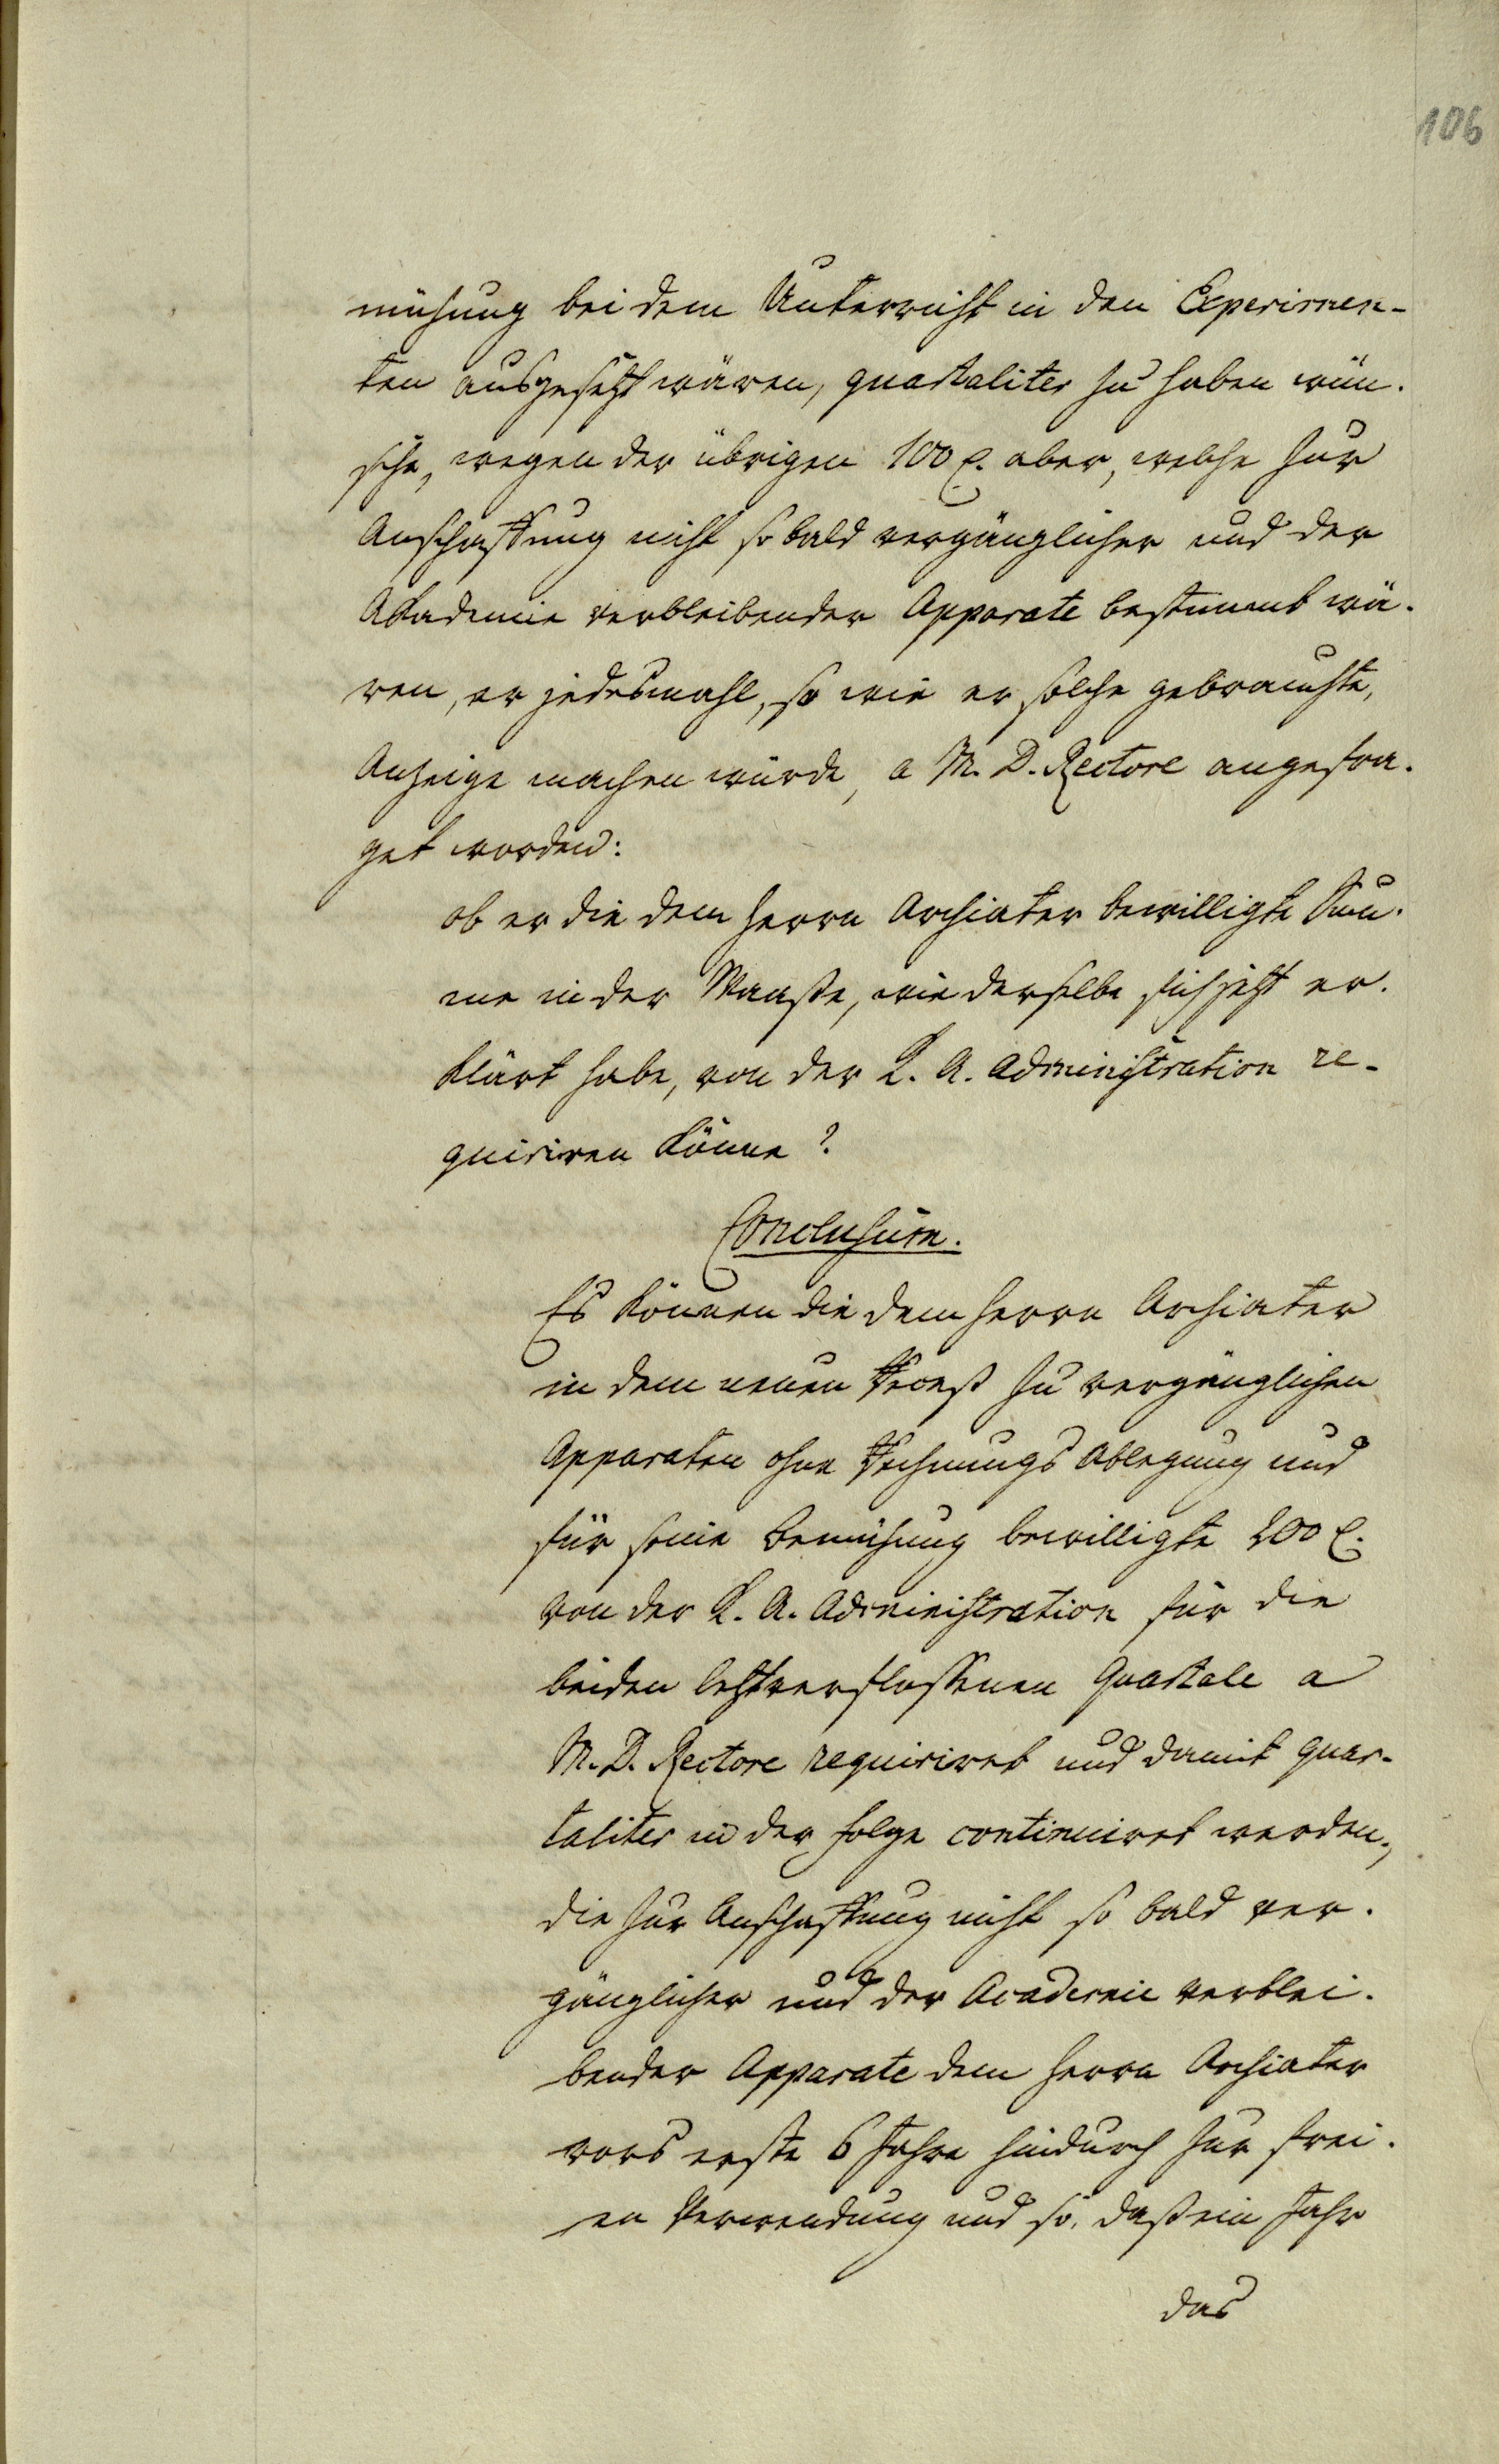mühung bei dem Unterricht in den Exeperimen¬
ten ausgesetzt wären, quartaliter zu haben wün¬
sche, wegen der übrigen 100 l. aber, welche zur
Anschaffung nicht so bald vergänglicher und der
Akademie verbleibender Apparate bestimmt wä¬
ren, er jedesmahl, so wie er solche gebrauchte,
Anzeige machen würde, a M. D. Rectore angefra¬
get worden:.
ob er die dem Herrn Archiater bewilligte Sum¬
me in der Maaße, wie derselbe sich jetzt er¬
klärt habe, von der K. A. Administration re¬
quiriren könne?
Conclusum.
Es können die dem Herrn Archiater
in dem neuen Receß zu vergänglichen
Apparaten ohne Rechnungs Ablegung und
für seine Bemühung bewilligte 200 l.
von der K. A. Administration für die
beiden letztverflossenem Quartale a
M. D. Rectore requiriret und damit quar¬
taliter in der Folge continuiret werden;
die zur Anschaffung nicht so bald ver¬
gänglicher und der Academie verblei¬
bender Apparate dem Herrn Archiater
vors erste 6 Jahre hindurch zur frei¬
en Verwendung und so, daß ein Jahr
das